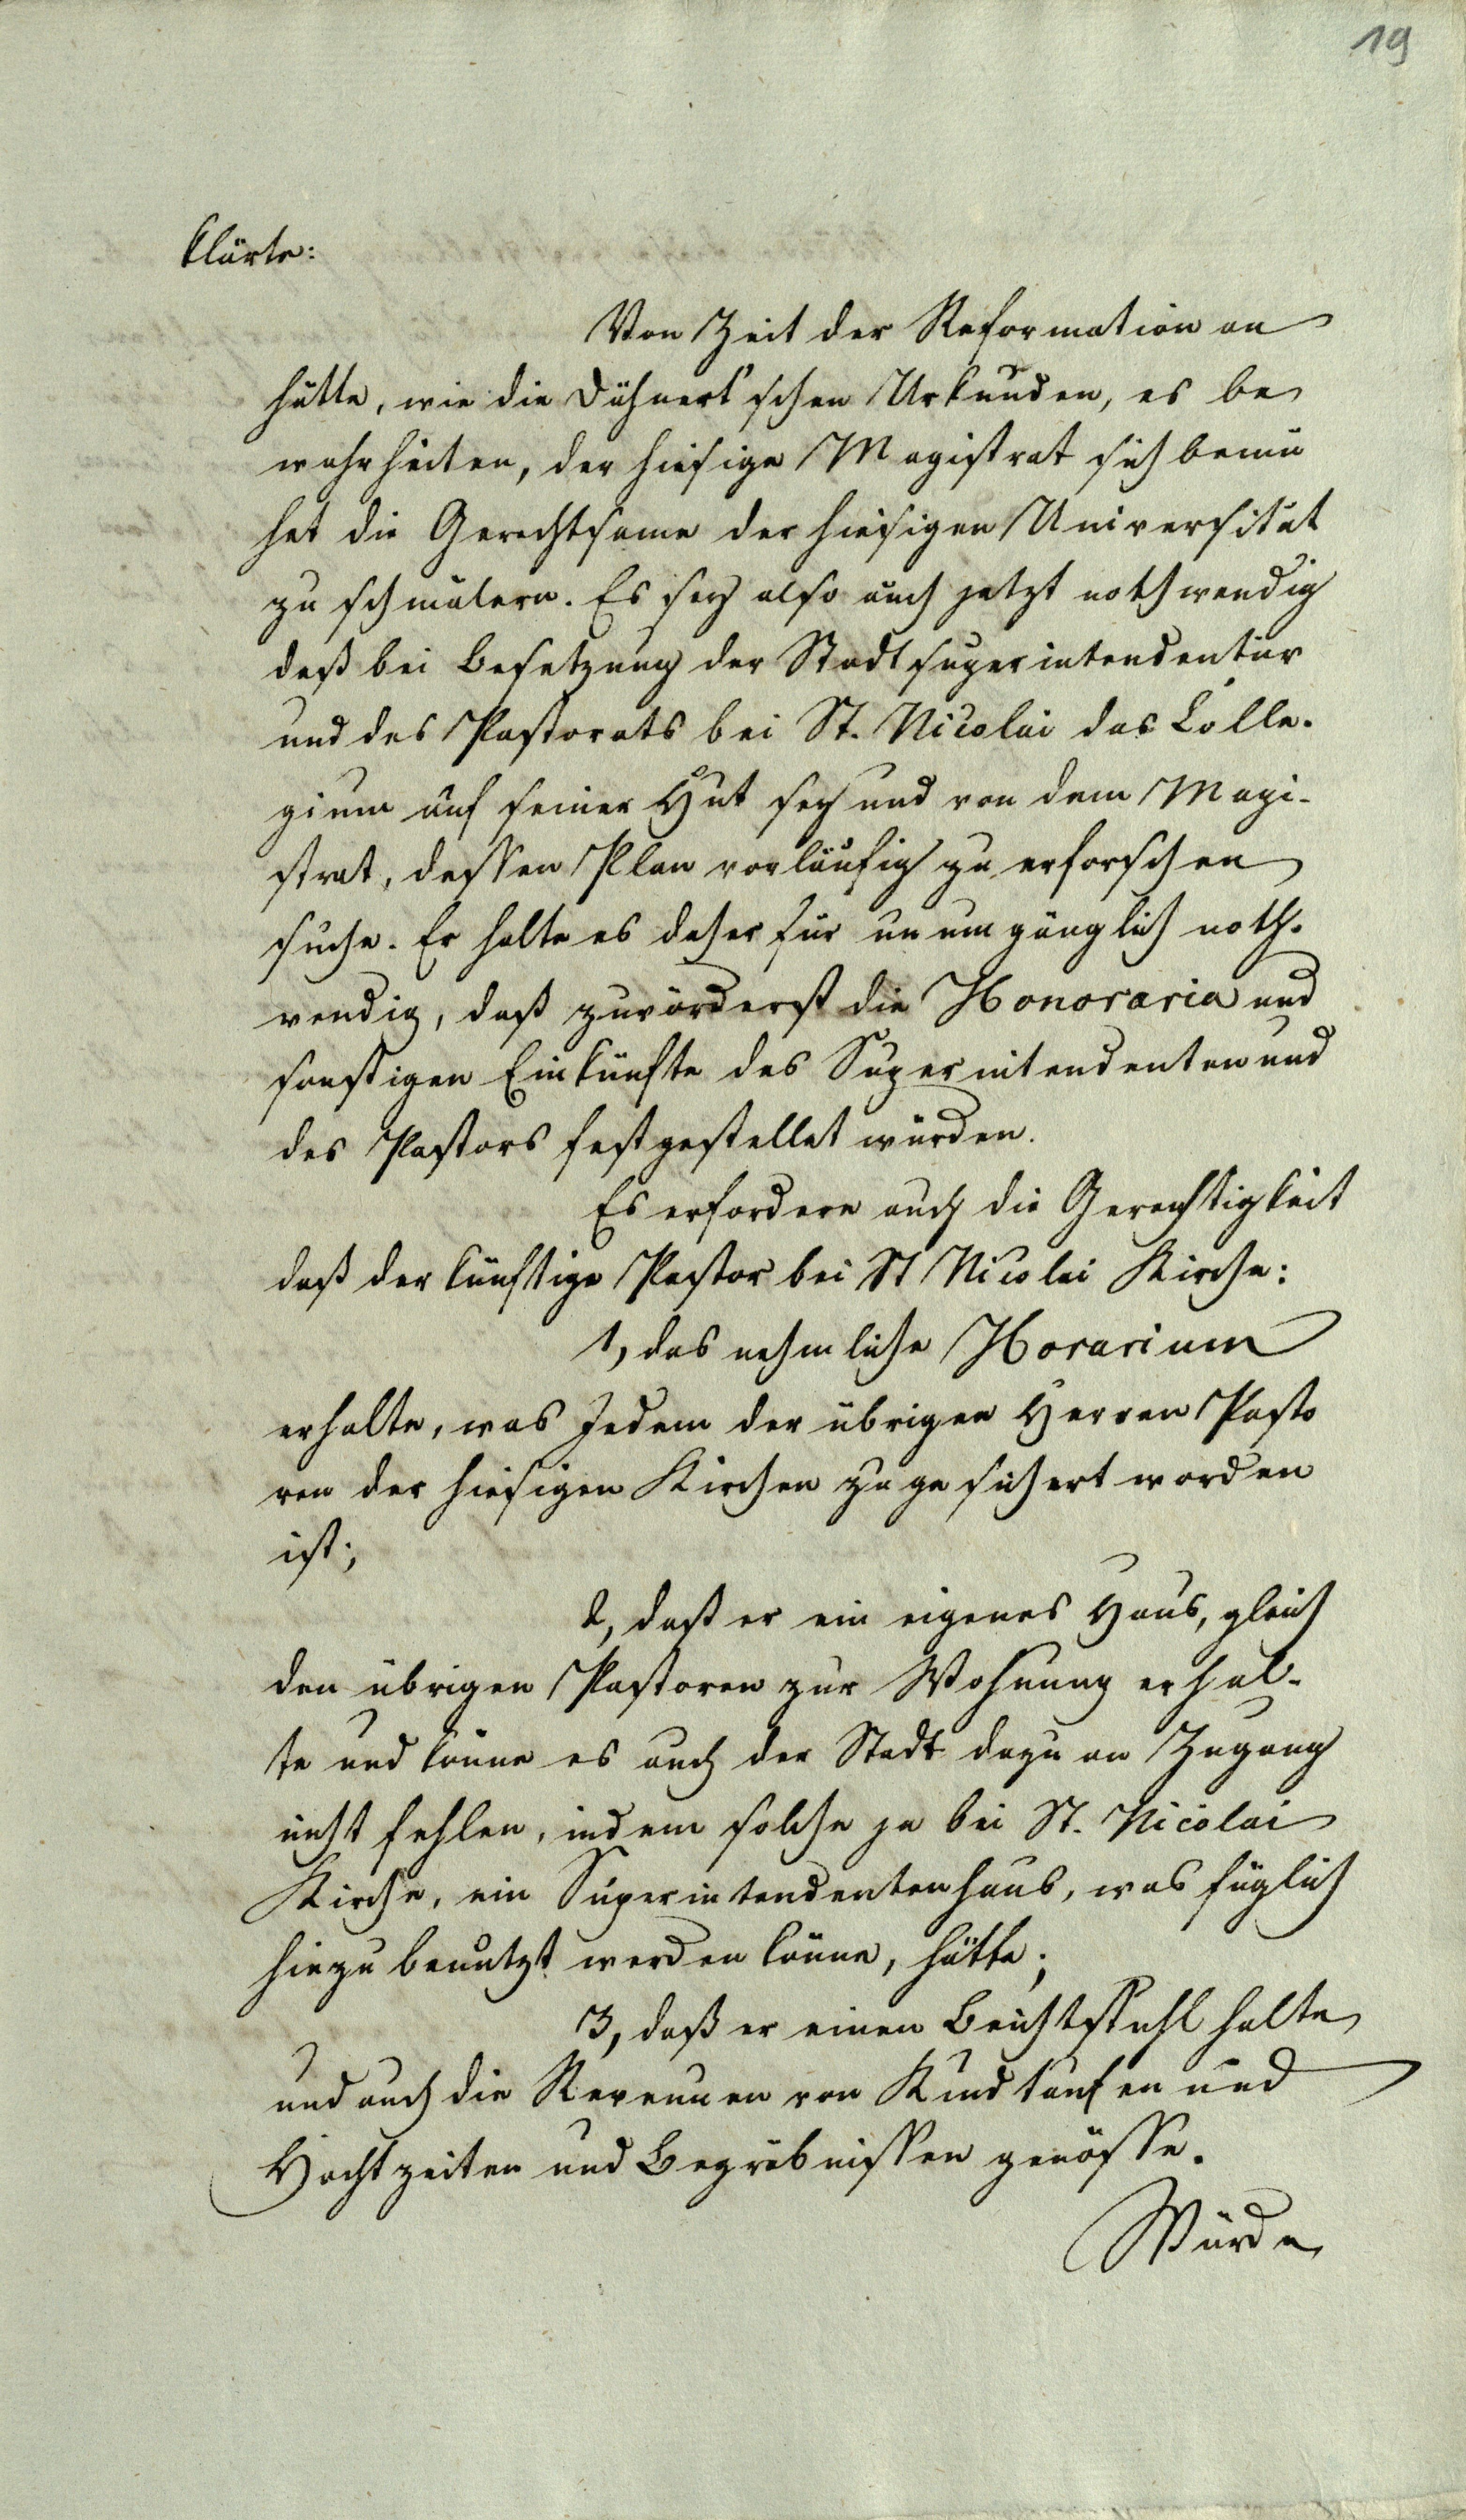klärte:
Von Zeit der Reformation an
hätte, wie die Dähnert'schen Urkunden, es be¬
wahrheiten, der hiesige Magistrat sich bemü¬
het die Gerechtsame der hiesigen Universität
zu schmälern. Es sey also auch jetzt nothwendig
daß bei Besetzung der Stadt super intendentur
und des Pastorats bei St. Nicolai das Colle¬
gium auf seiner Hut sey und von dem Magi¬
strat, dessen Plan vorläufig zu erforschen
suche. Er halte es daher für un um gänglich noth¬
wendig, daß zuvörderst die Honoraria und
sonstigen Einkünfte des Superintendenten und
des Pastors fesgestellet würden.
Es erfordere auch die Gerechtigkeit
daß der künftige Pastor bei St. Nicolai Kirche:
1, das nehmliche Horarium
erhalte, was Jedem der übrigen Herren Pasto¬
ren der hiesigen Kirchen zugesichert worden
ist;
2, daß er ein eigenes Haus, gleich
den übrigen Pastoron zur Wohnung erhal¬
te und könne es auch der Stadt dazu an Zugang
nicht fehlen, indem solche ja bei St. Nicolai
Kirche, ein Superintendentenhaus, was füglich
hiezu benutzt werden könne, hätte;
3, daß er einen Beichtstuhl halte,
und auch die Revenuen von Kind taufen und
Hochtzeiten und Begräbnissen genösse.
Würde